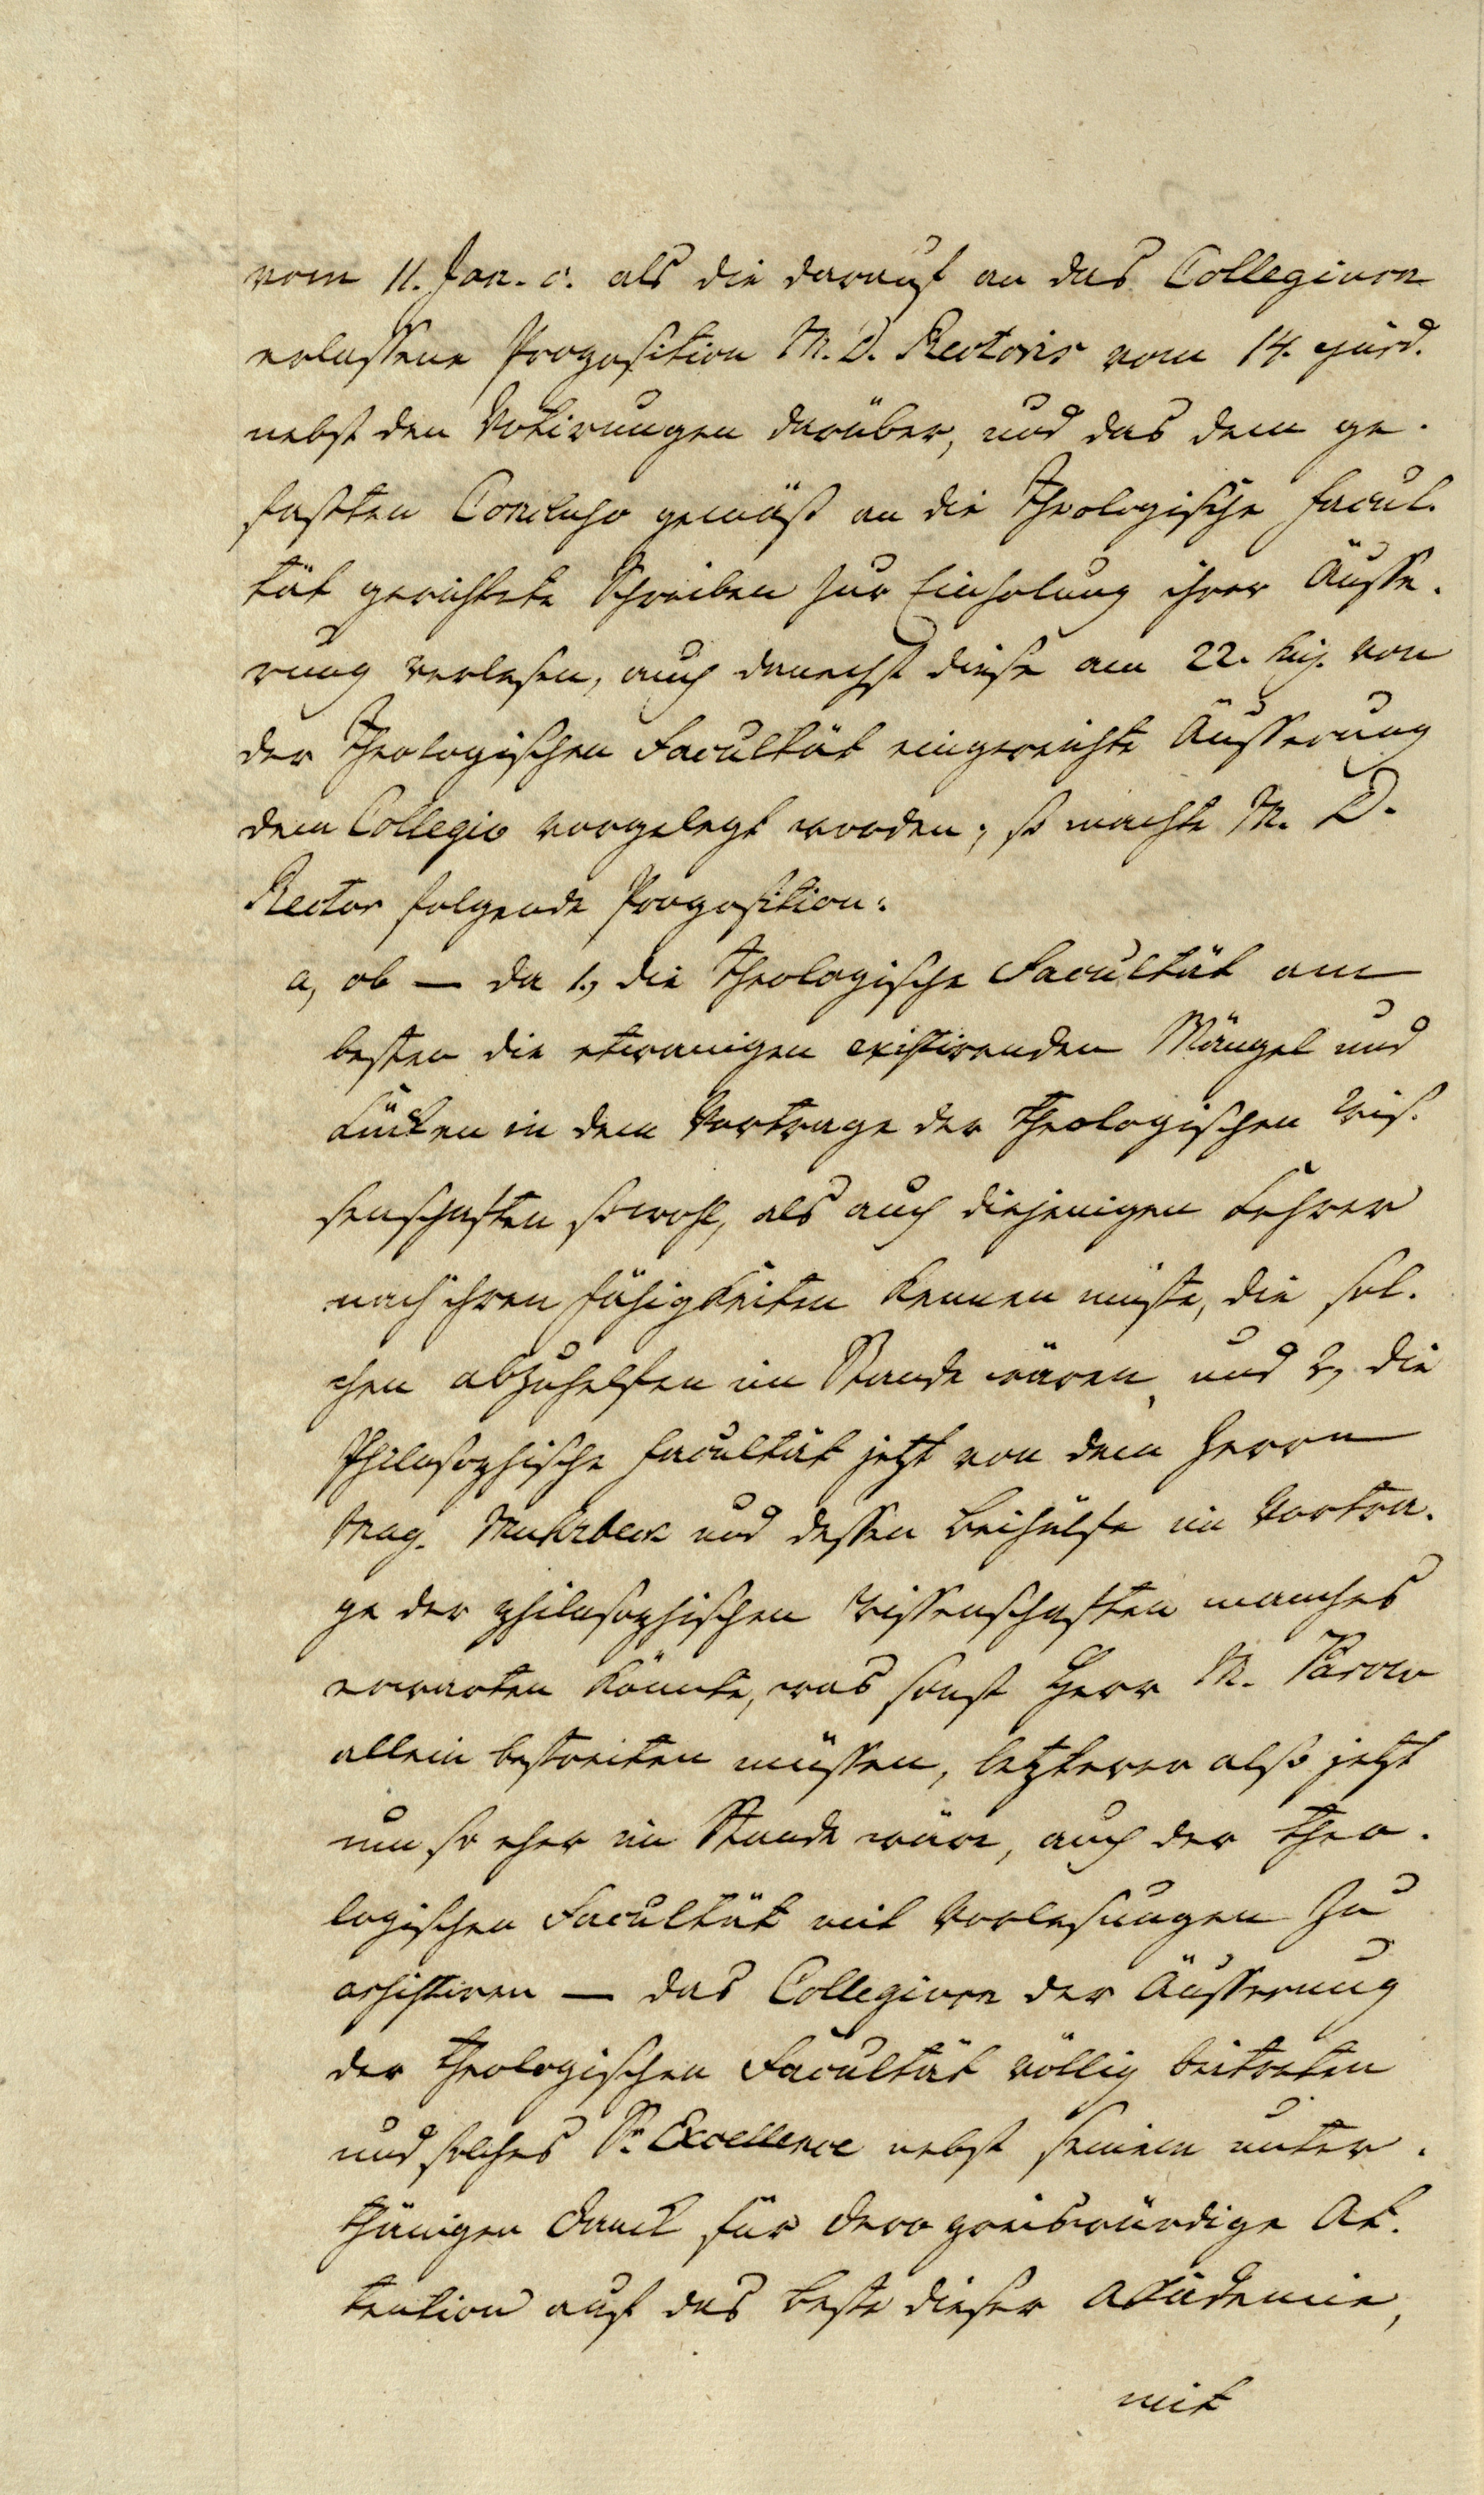vom 11. Jan. c. als die darauf an das Collegium
erlassene Proposition M. D. Rectoris vom 14. ejusd.
nebst den Votirungen darüber, und das dem ge¬
faßten Concluso gemäß an die Theologische Facul¬
tät gerichtete Schreiben zur Einholung ihrer Äusse¬
rung verlesen, auch danechst diese am 22. huj. von
der Theologischen Facultät eingereichte Äusserung
dem Collegio vorgelegt worden; so machte M. D.
Rector folgende Proposition:
a, ob da 1., die Theologische Facultät am
besten die etwanigen existirenden Mängel und
Lücken in dem Vortrage der Theologischen Wis¬
senschaften sowohl, als auch diejenigen Lehrer
nach ihren Fähigkeiten kennen müßte, die sol¬
chen abzuhelfen im Stande wären, und 2., die
Philosophische Facultät jetzt von dem Herrn
Mag. Muhrbeck und dessen Beihülfe in Vortra¬
ge der philosophischen Wissenschaften manches
erwarten könnte, was sonst Herr M. Parow
allein bestreiten müssen, letzterer also jetzt
um so eher im Stande wäre, auch der theo¬
logischen Facultät mit Vorlesungen zu
assistiren das Collegium der Äusserung
der theologischen Facultät völlig beitreten
und solches Sr Excellence nebst seinem unter¬
thänigen Danck für dero preiswürdige At¬
tention auf das Beste dieser Akademie,
mit